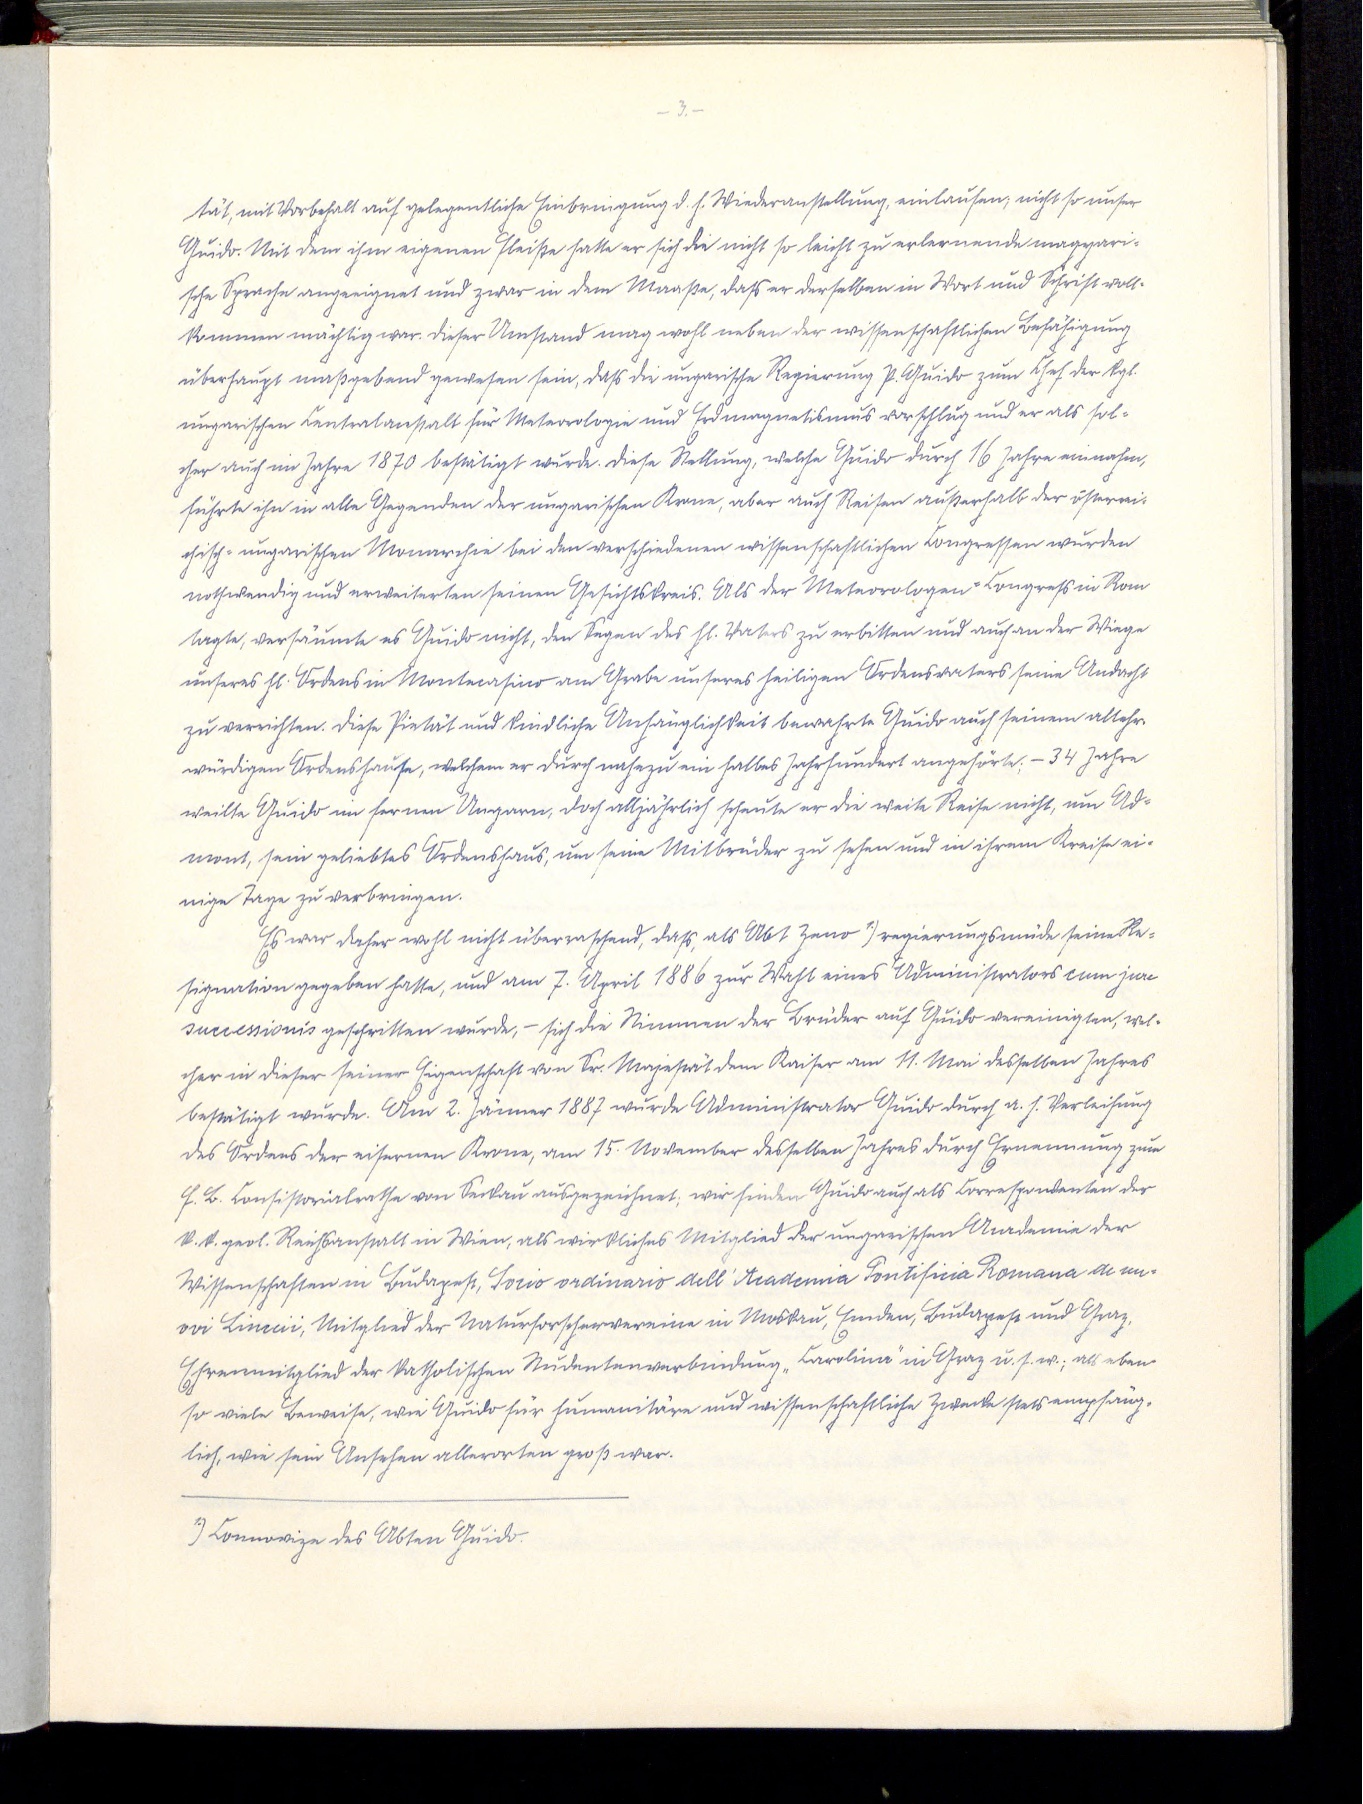tät, mit Vorbehalt auf gelegentliche Einbringung d. h. Wiederanstellung, einlaufen; nicht so unser
Guido. Mit dem ihm eigenen Fleiße hatte er sich die nicht so leicht zu erlernende ungari-
sche Sprache angeeignet und zwar in dem Maaße, dass er derselben in Wort und Schrift voll-
kommen mächtig war. Dieser Umstand mag wohl neben der wissenschaftlichen Befähigung
überhaupt maßgebend gewesen sein, dass die ungarische Regierung P. Guido zum Cherf der kgl.
ungarischen Centralanstalt für Meteorologie und Erdmagnetismus vorschlug und er als sol-
cher auch im Jahre 1870 bestätigt wurde. Diese Stellung, welche Guido durch 16 Jahre einnahm
führte ihn in alle Gegenden der ungarischen Kron, aber auch Reisen außerhalb der österrei-
chisch-ungarischen Monarchie bei den verschiedenen wissenschaftlichen Congressen wurden
nothwendig und erweiterten seinen Gesichtskreis. Als der Meteorologen-Congess in Rom
tagte, versäumte es Guido nicht, den Segen des hl. Vaters zu eribtten und auch an der Wiege
unseres hl. Ordens in MOntecasino am Grabe unseres heiligen Ordensvaters seine Andacht
zu verrichten. Diese Pietät und kindliche Anhänglichkeit bewahrte Guido auch seinem allehr-
würdigen Ordenshause, welchen er durch nahezu ein halbes Jahrhundert angehörte; - 34 Jahre
weilte Guido im fernen Ungarn, doch alljährlich scheute er die weite Reise nicht, um Ad-
mont, sein geliebtes Ordenshaus, um seine Mitbrüder zu sehen und in ihrem Kreise ei-
nige Tage zu verbringen.
Es war daher wohl nicht überraschend, dass, als Abte Zeno1.) regierungsmüde seine Re-
signation gegeben hatte, und am 7. April 1886 zur Wahl eines Administrators cum jure
successionis geschritten wurde, - sich die Stimmen der Brüder auf Guido vereinigten, wel-
cher in dieser seiner Eigenschaft von Sr. Majestät dem Kaiser am 11. Mai desselben Jahres
bestätigt wurde. Am 2. Jänner 1887 wurde Administrator Guido durch a. h. Verleihung
des Ordens der eisernen Krone, am 15. Nobember desselben Jahres durch Ernennung zum
F. B. Consistorialerlass von Seckau ausgezeichnet; wir finden Guido auch als Correspondent der
k. k. geol. Reichsanstalt in Wien, als wichtiges Mitglied der ungarischen Academie der
Wissenschaften in Budapest, Socio ordinario dell'Academia Pontificia Romana de nu-
vi Linceii, Miglied der Naturforschervereine in Moskau, Emden, Budapest und Graz,
Ehrenmitglied der katholischen Studentenverbindung "Carolina in Graz u. s. w.; als aber
so viele Beweise, wie Guido für humanitäre und wissenschaftliche Zwecke stets empfäng-
lich, wie sein Ansehen allerorten groß war.
1.) Connovize des Abten Guido.